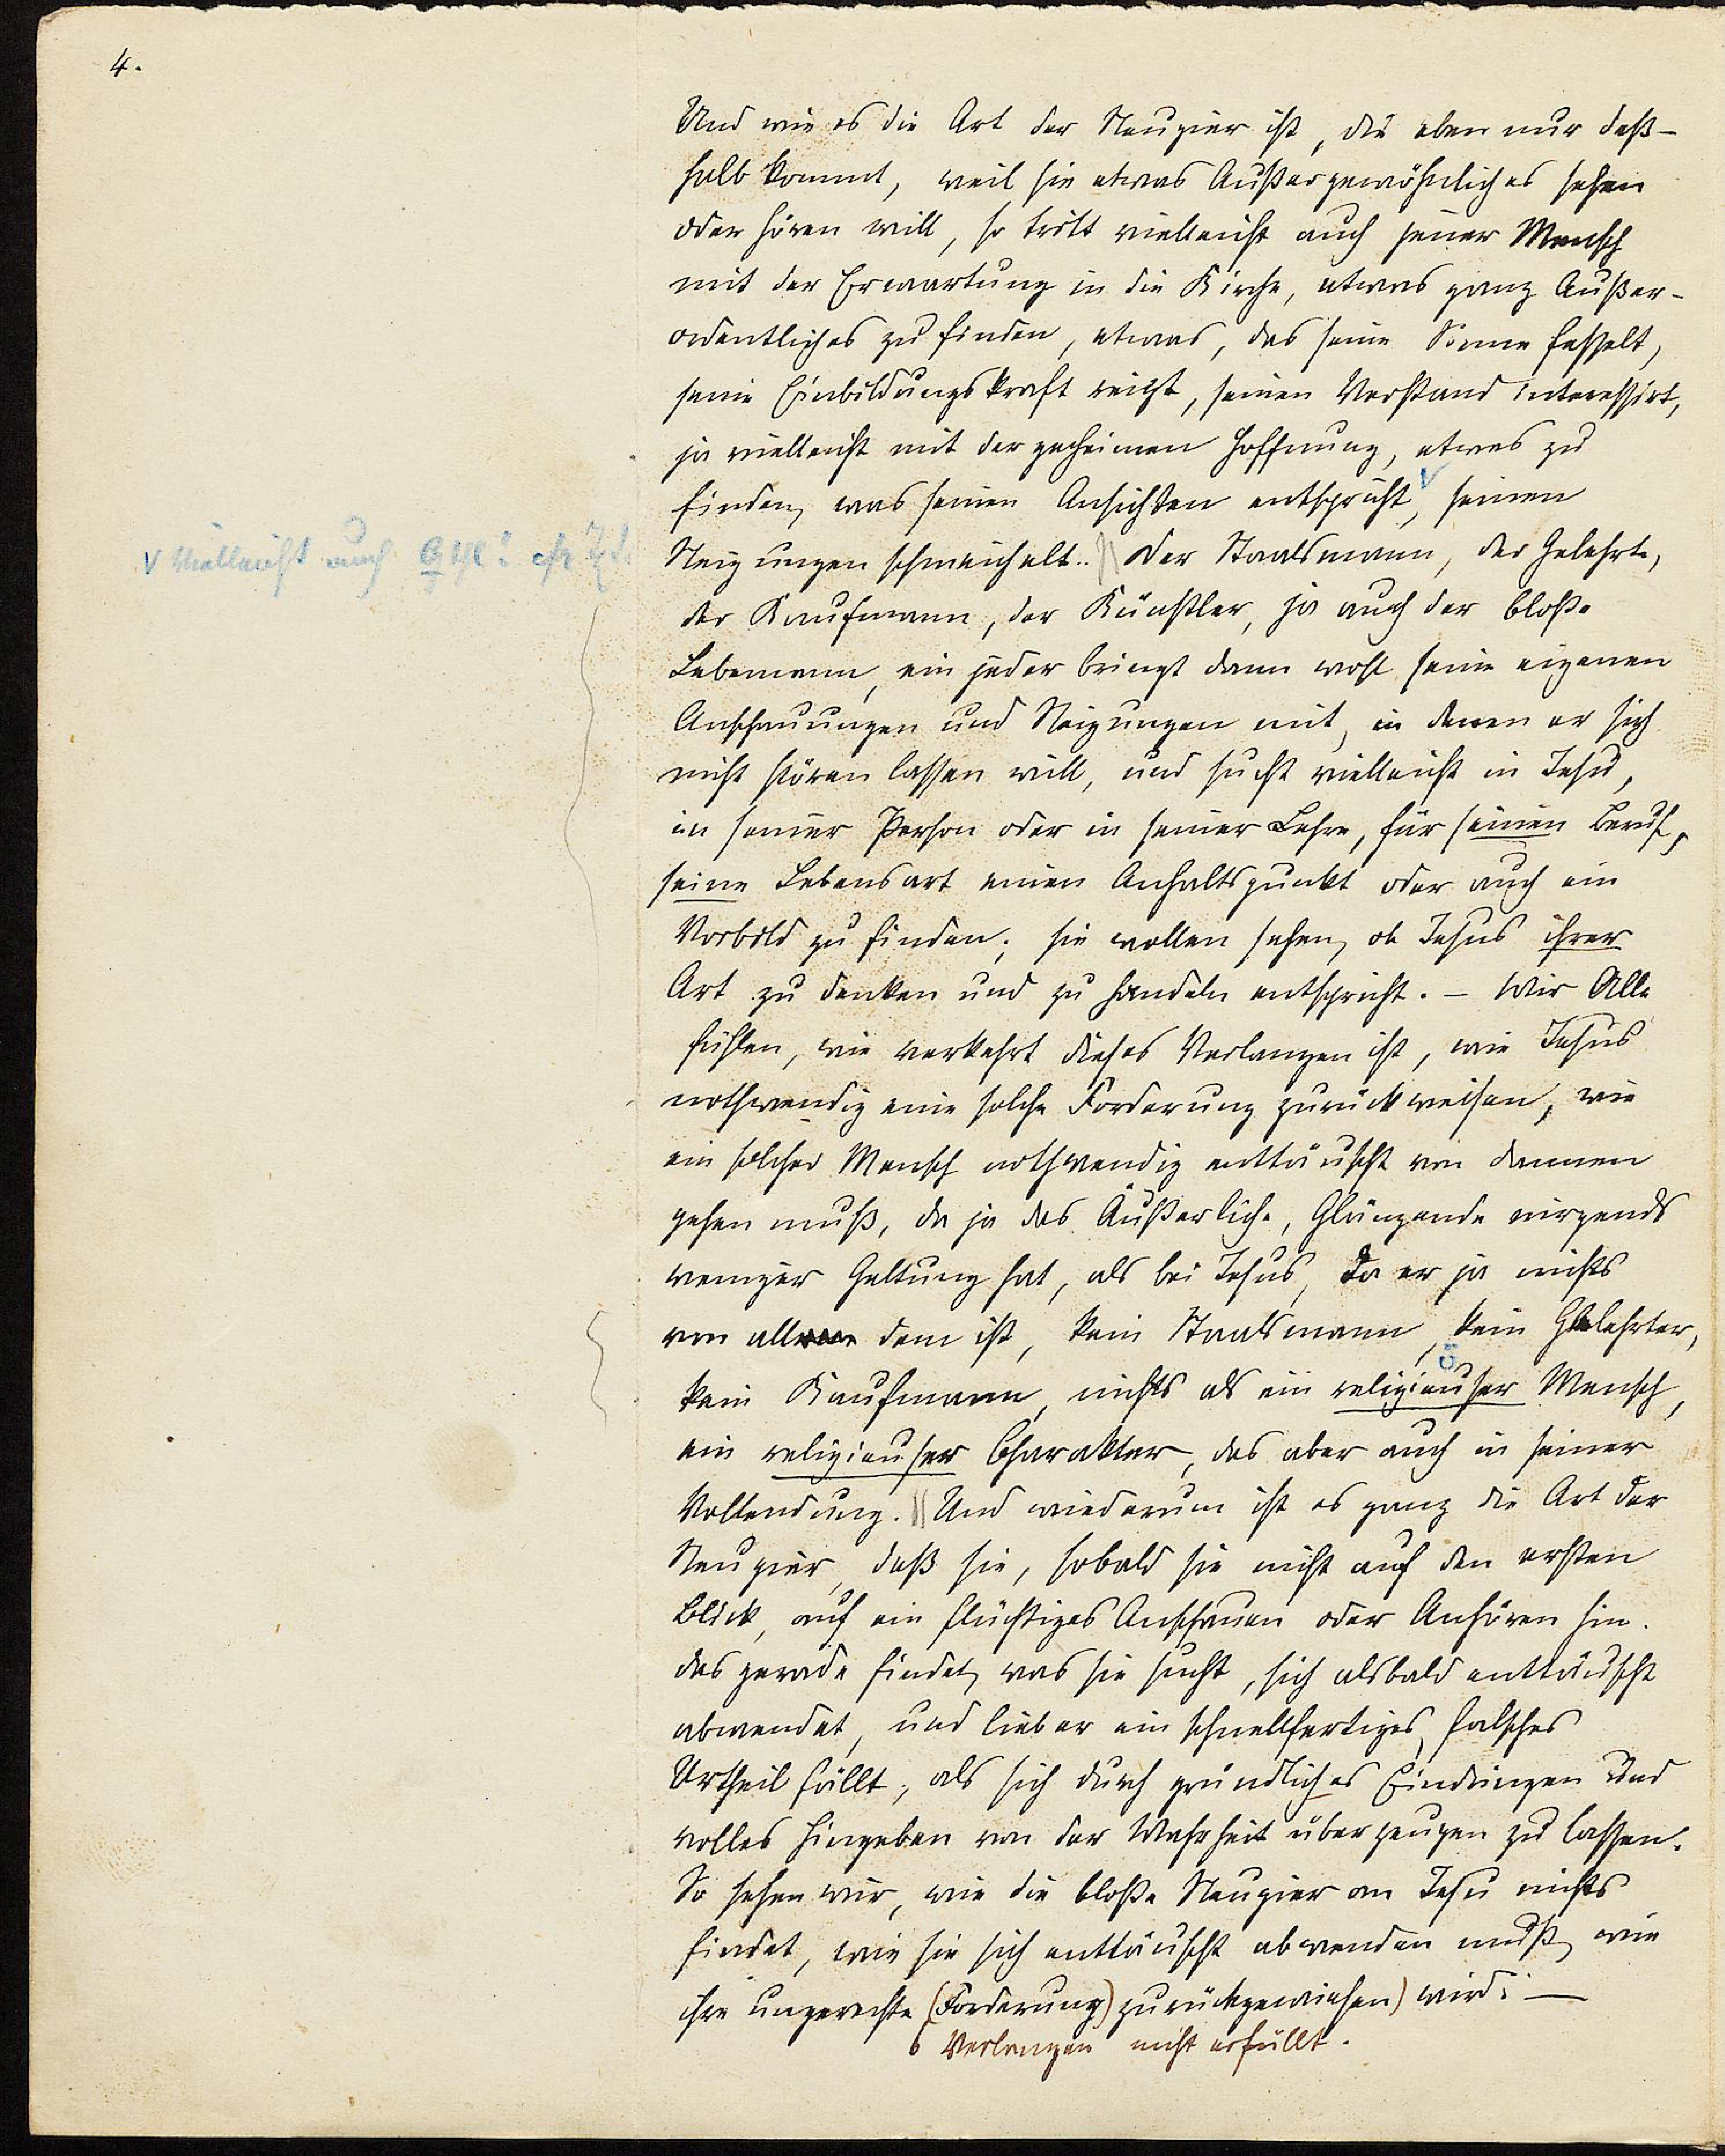4.
V Vielleicht auf Gshl! cf
Und wie es die Art der Neugier ist, die eben nur deß¬
halb kommt, weil sie etwas Außergewöhnliches sehen
oder hören will, so tritt vielleicht auch jener Mensch
mit der Erwartung in die Kirche, etwas ganz Außer¬
ordentliches zu finden, etwas, das seine Sinne fesselt,
seine Einbildungskraft reizt, seinen Verstand interessiert,
ja vielleicht mit der geheimen Hoffnunug, etwas zu
finden, was seinen Ansichten entspricht, seinen
Neingungen schmeichelt. Der Staatsmann, der Gelehrte,
der Kaufmann, der Küstler, ja auch der bloße
Lebenmann, ein jeder bingt dann wohl seine eigenen
Anschauungen und Neigungen mit, in denen er sich
nicht stören lassen will und sucht viellenicht in Jesu,
in seiner Person oder in seiner Lehre, für seinen Beruf,
seine Lebensart einen Anhaltspunkt oder auch ein
Vorbild zu finden; sie wollen sehen, ob Jesus ihrer
Art zu denken und zu handeln entspricht. _ Wir Alle
fühlen, wie verkehrt dieses Verlangen ist, wie Jesus
nothwendig eine solche Forderung zurückweisen, wie
ein solcher Mensch nothwendig enttäuscht von dannen
gehen muß, da ja das Äußerliche, Glänzend nirgends
weniger Geltung hat, als bei Jesus, da er ja nichts
von alle dem ist, kein Staatsmann, kein Gelehrter,
kein Kaufmann, nichts als ein religieuser Mensch,
ein religieuser Charakter, das aber auch in seiner
Vollendung. || Und wiederum ist es ganz die Art der
Neugier, daß sie, sobald sie nicht auf den ersten
Blick, auf ein flüchtiges Anschauen oder Anhören hin,
das gerade findet, was sie sucht, sich alsbald enttäuscht
abwendet und lieber ein schnellfertiges, falsches
Urtheil fällt, als sich durch gründliches Eindringen und
volles hingeben von der Wahrheit überzeungen zu lassen.
So sehen wir, wie die bloße Neugier an Jesu nichts
findet, wie sie sich enttäuscht abwenden muß, wie
ihre ungerechte (Forederung) zurückgewießen) wird. _
s Verlangen nicht erfüllt.